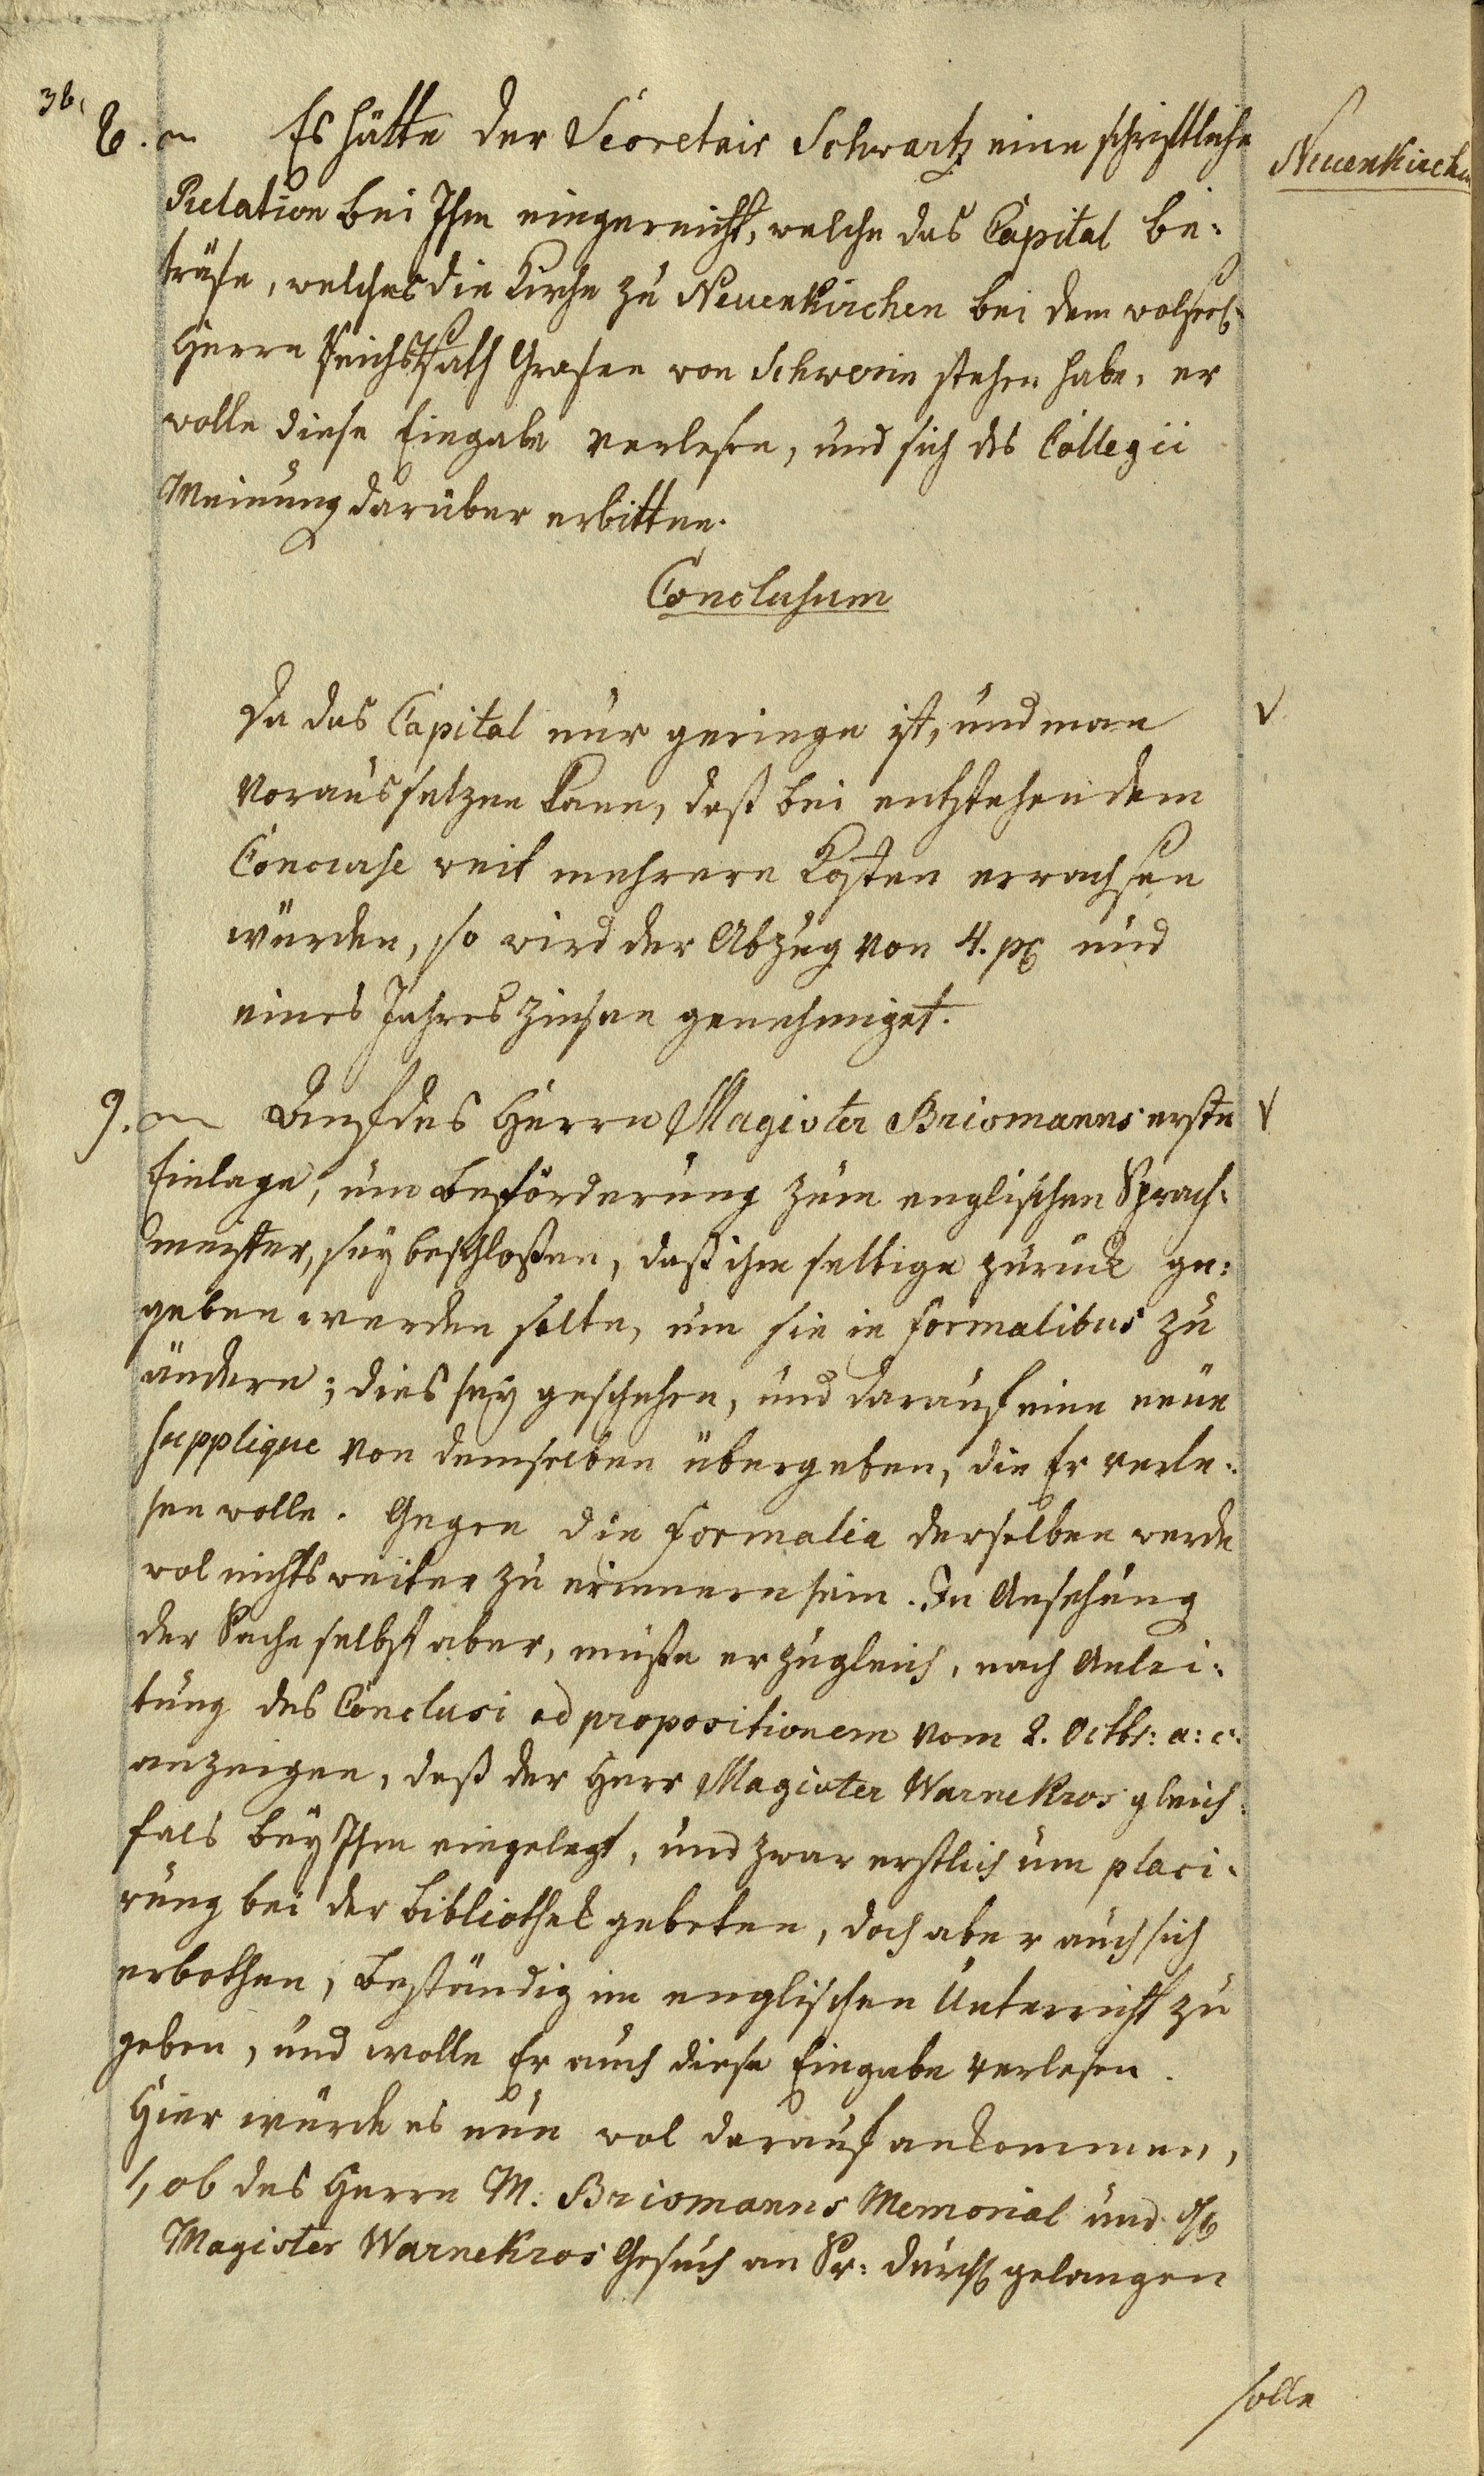8. Es hätte der Secretair Schwartz eine schriftliche
Relation bei Ihm eingereicht, welche das Capital be¬
träfe, welches die Kirche zu Neuenkirchen bei dem wolseel.
Herrn ReichsRath Grafen von Schwerin stehen habe, er
wolle diese Eingabe verlesen, und sich des Collegii
Meinung darüber erbitten.
Conclusum
Da das Capital nur geringe ist, und man
voraussetzen kann, daß bei entstehendem
Concurse weit mehrere Kosten erwachsen
würden, so wird der Abzug von 4 pc. und
eines Jahres Zinsen genehmiget.
9. Auf des Herrn Magister Brismanns erste
Einlage, um Beförderung zum englischen Sprach¬
meister, seÿ beschloßen, daß ihm selbige zurück ge¬
geben werden solte, um sie in formalibus zu
ändern; dies seÿ geschehen, und darauf eine neue
Supplique von demselben übergeben, die Er verle¬
sen wolle. Gegen die Formalia derselben werde
wol nichts weiter zu erinnern sein. In Ansehung
der Sache selbst aber, müße er zugleich, nach Anlei¬
tung des Conclusi ad propositionem vom 2. Octbr. a. c.
anzeigen, daß der Herr Magister Warnekros gleich¬
fals beÿ Ihm eingelegt, und zwar erstlich um placi¬
rung bei der Bibliothek gebeten, doch aber auch sich
erbothen, beständig im englischen Unterricht zu
geben, und wolle Er auch diese Eingabe verlesen.
Hier würde es nun wol darauf ankommen,
1, ob des Herrn M. Brismanns Memorial und dh
Magister Warnekros Gesuch an Sr Durchl. gelangen